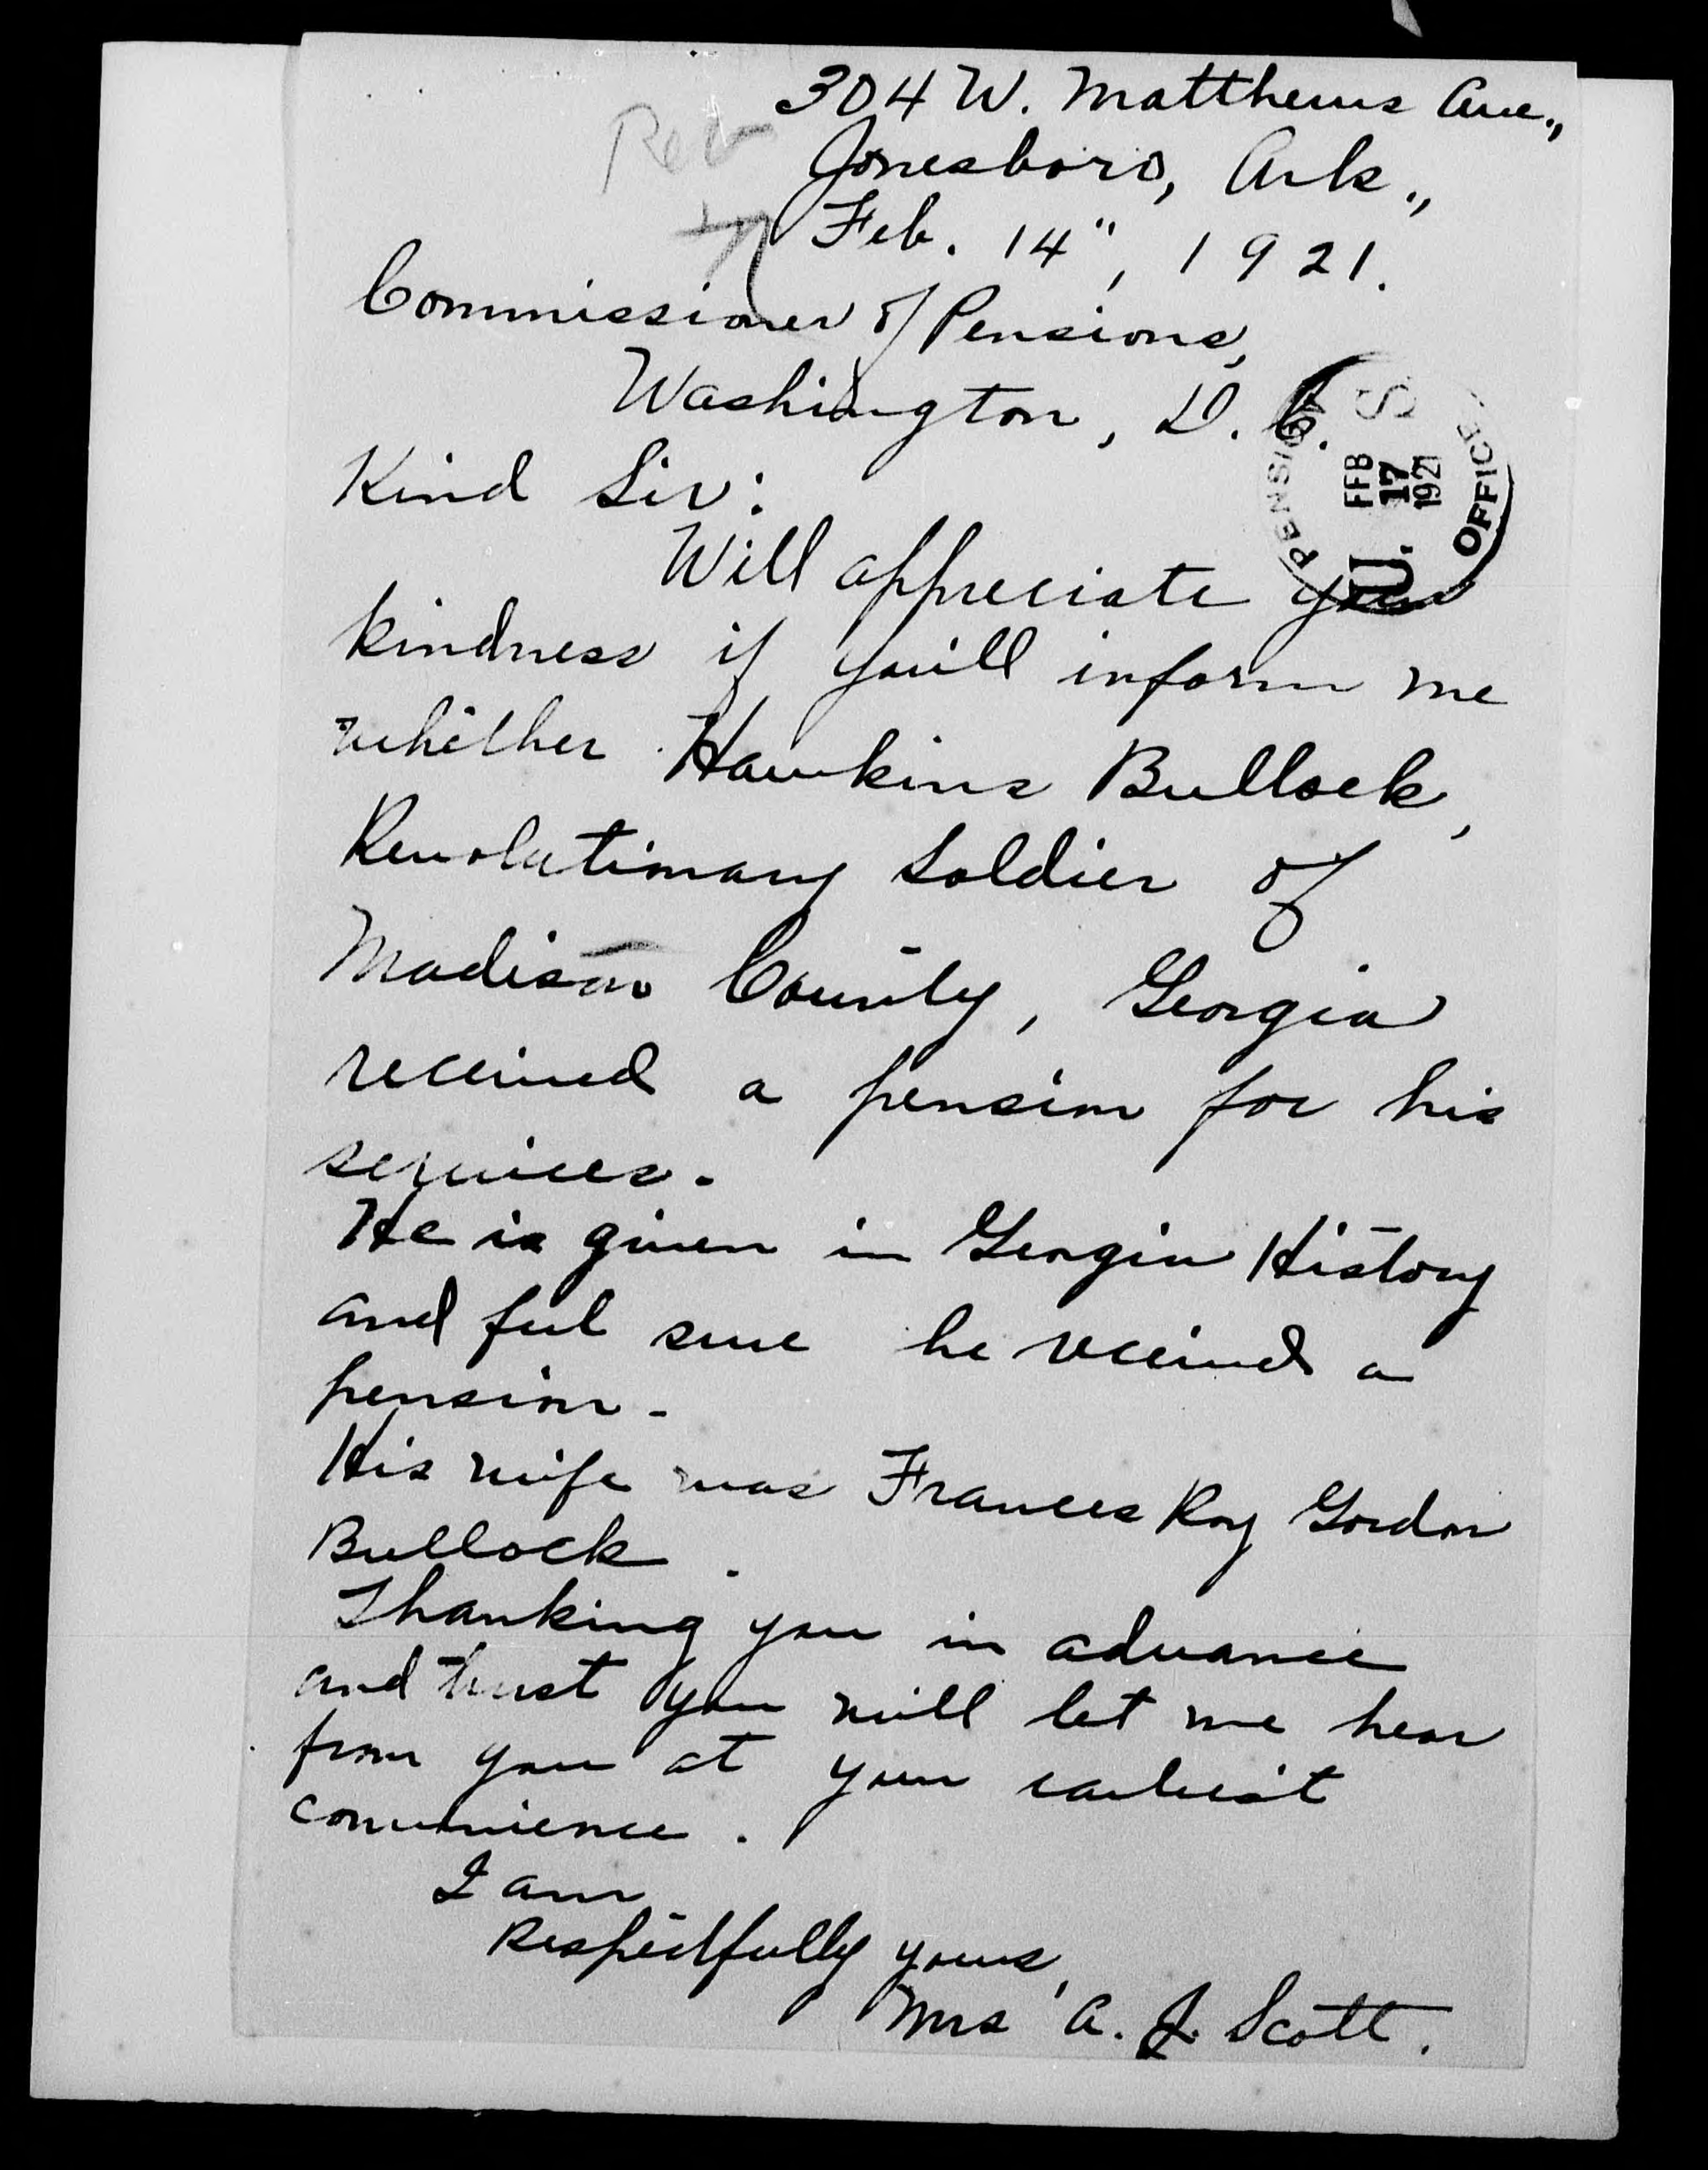[stamp] U.S. PENSION OFFICE. FEB 17 1921

Rev

304 W. Matthews Ave.,
Jonesboro, Ark.,
Feb. 14", 1921.

Commissioner of Pensions
Washington, D.C.

Kind Sir:
Will appreciate your kindness if you'll inform me whether Hawkins Bullock, Revolutionary Soldier of Madison County, Georgia received a pension for his services.
He is given in Georgia History and feel sure he received a pension.
His wife was Frances Roy Gordon Bullock.
Thanking you in advance and trust you will let me hear from you at your earliest convenience.
I am
Respectfully yours,
Mrs A. J. Scott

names: Hawkins Bullock, A J Scott, Frances Roy Gordon Bullock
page: 14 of 24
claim: survivor's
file: S. 31,586, Hawkins Bullock, S.C.